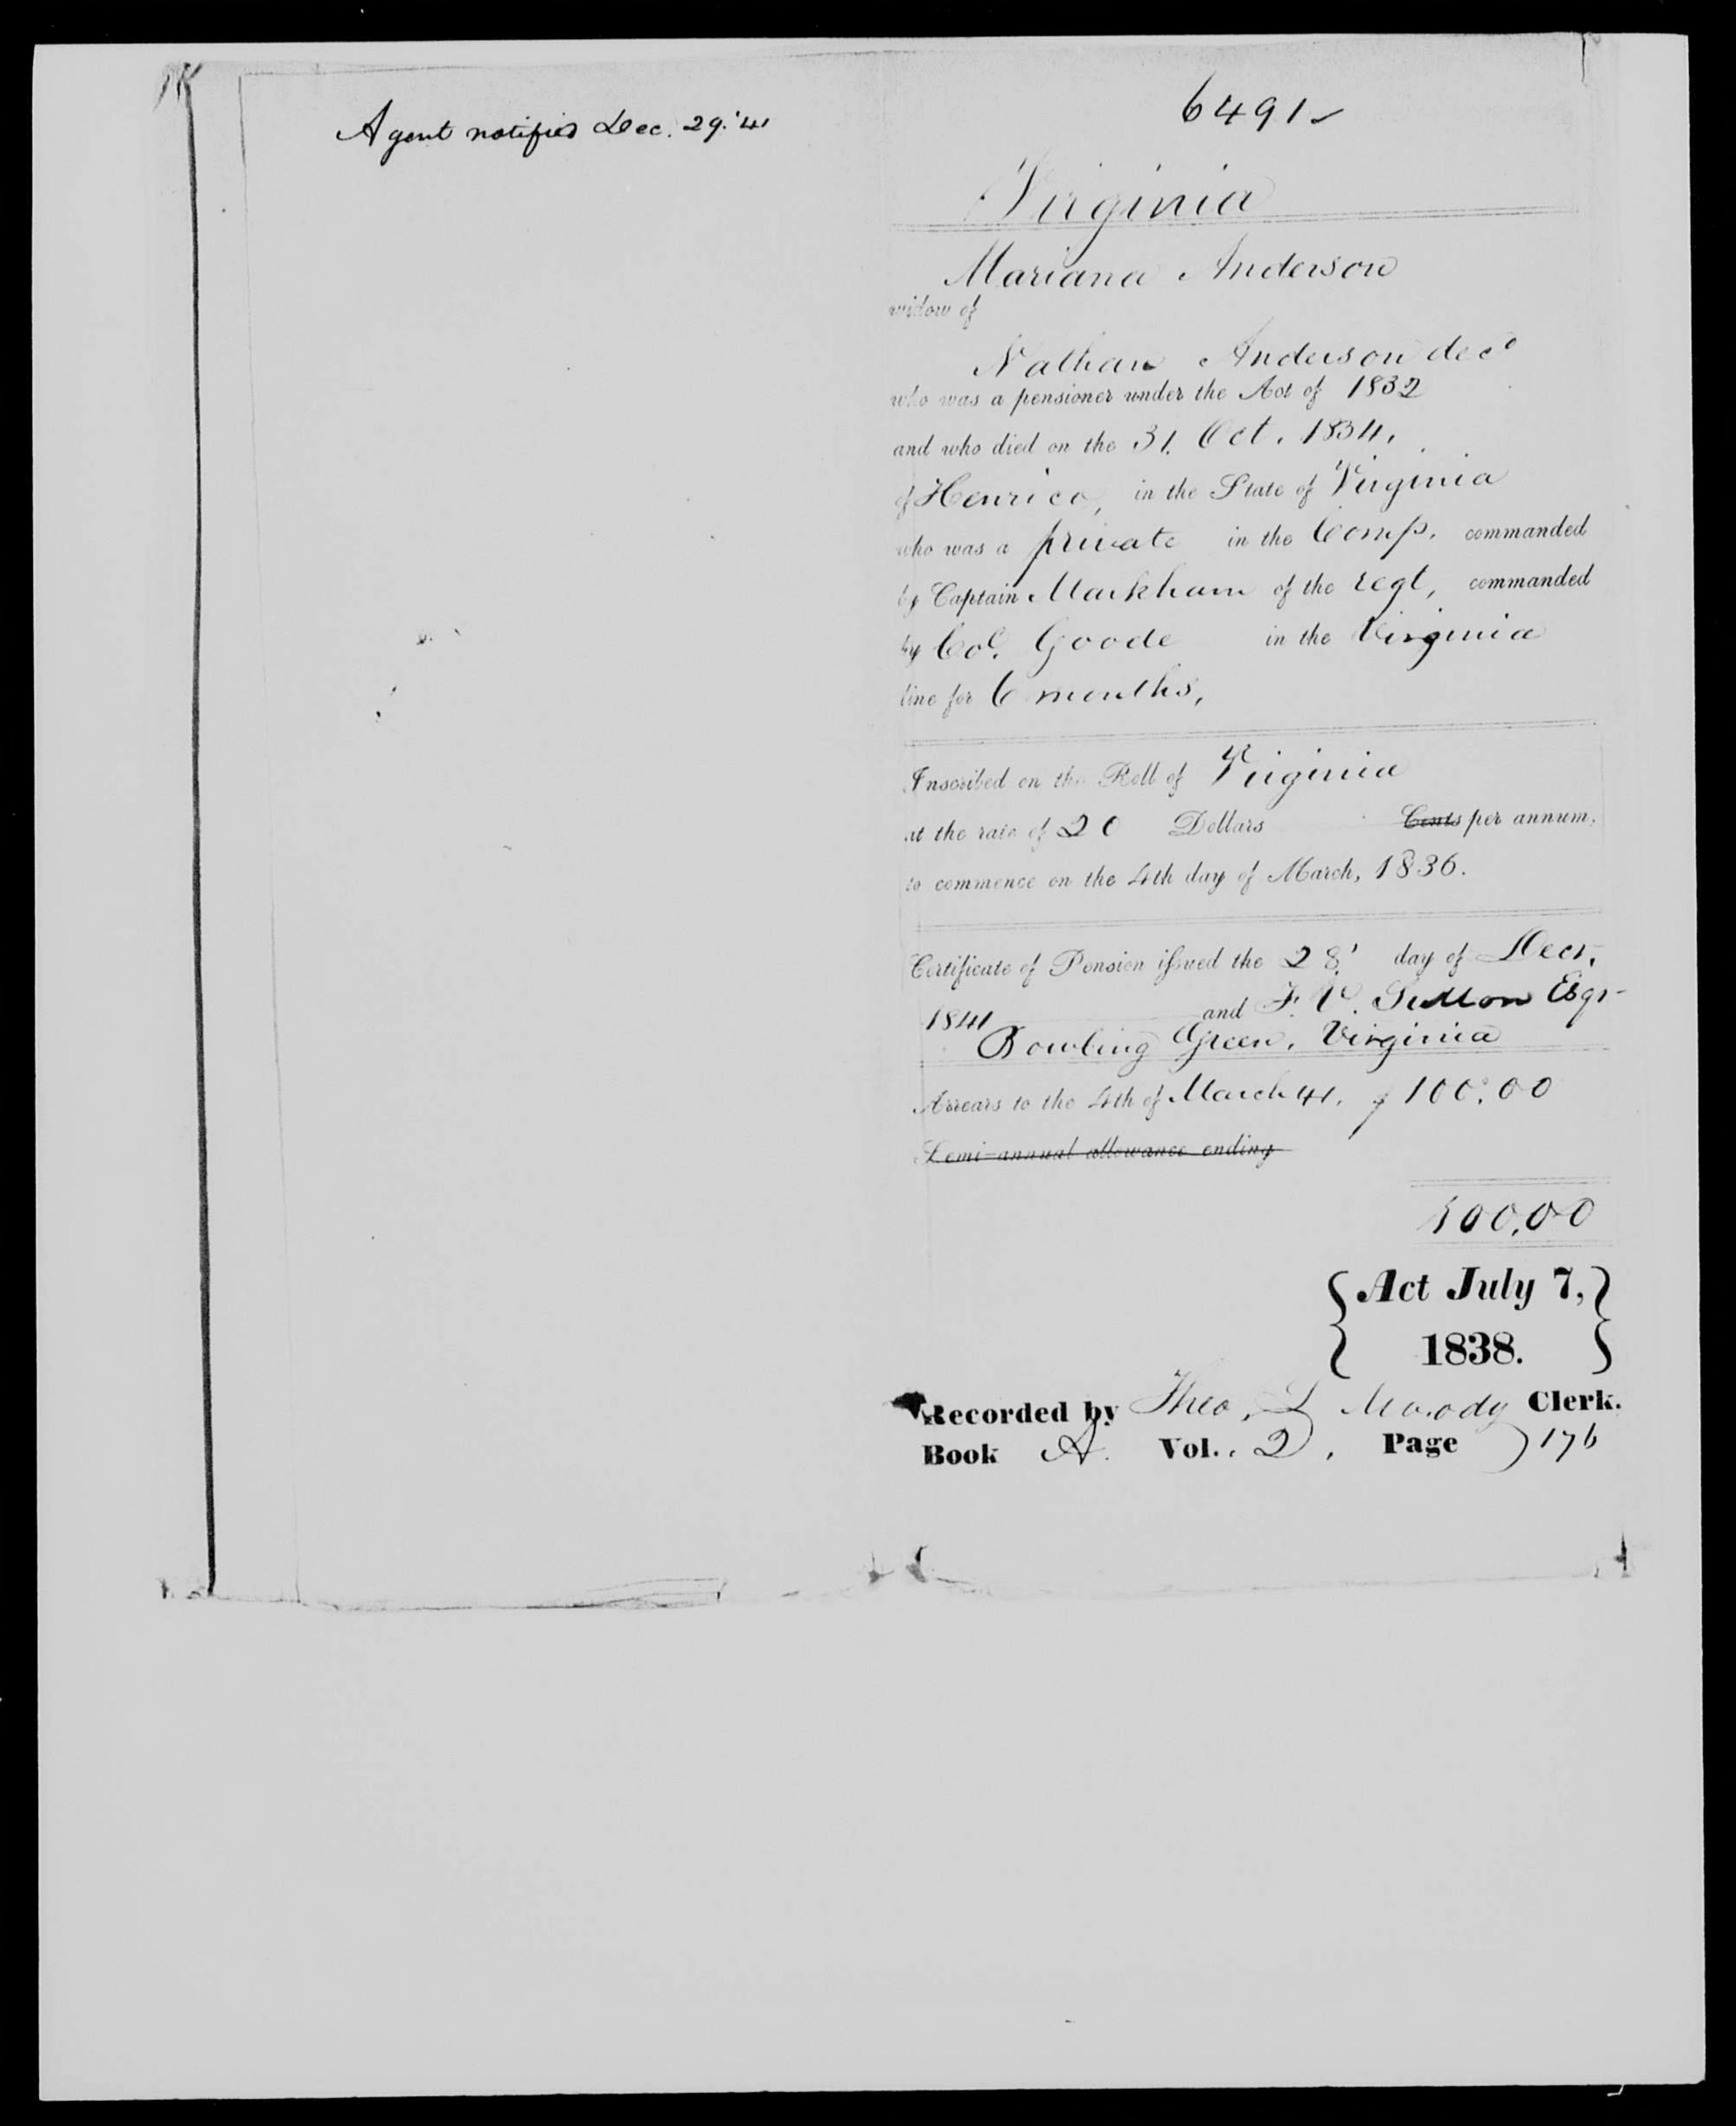Agent notified Dec. 29 '41 

6491
Virginia
Mariana Anderson
widow of
Nathan Anderson decd
who was a pensioner under the Act of 1832
and who died on the 31. Oct, 1834, 
of Henrico, in the State of Virginia
who was a private in the Comp. commanded by Captain Markham of the regt, commanded by Col. Goode in the Virginia line for 6 months,
Inscribed on the Roll of Virginia
at the rate of 20 Dollars per annum, to commence on the 4th day of March, 1836.
Certificate of Pension issued the 28 day of Decr. 1841 and F. V. Sutton Esqr
Bowling Green, Virginia
Arrears to the 4th of March 41, $100.00
100.00
{Act July 7, 1838.}
Recorded by Theo. L Moody Clerk,
Book A. Vol. 2. Page 176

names: F V Sutton, Markham, Theo L Moody, Goode, Nathan Anderson, Mariana Anderson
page: 18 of 43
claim: widow's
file: W. 5,626, Nathan Anderson, Va.